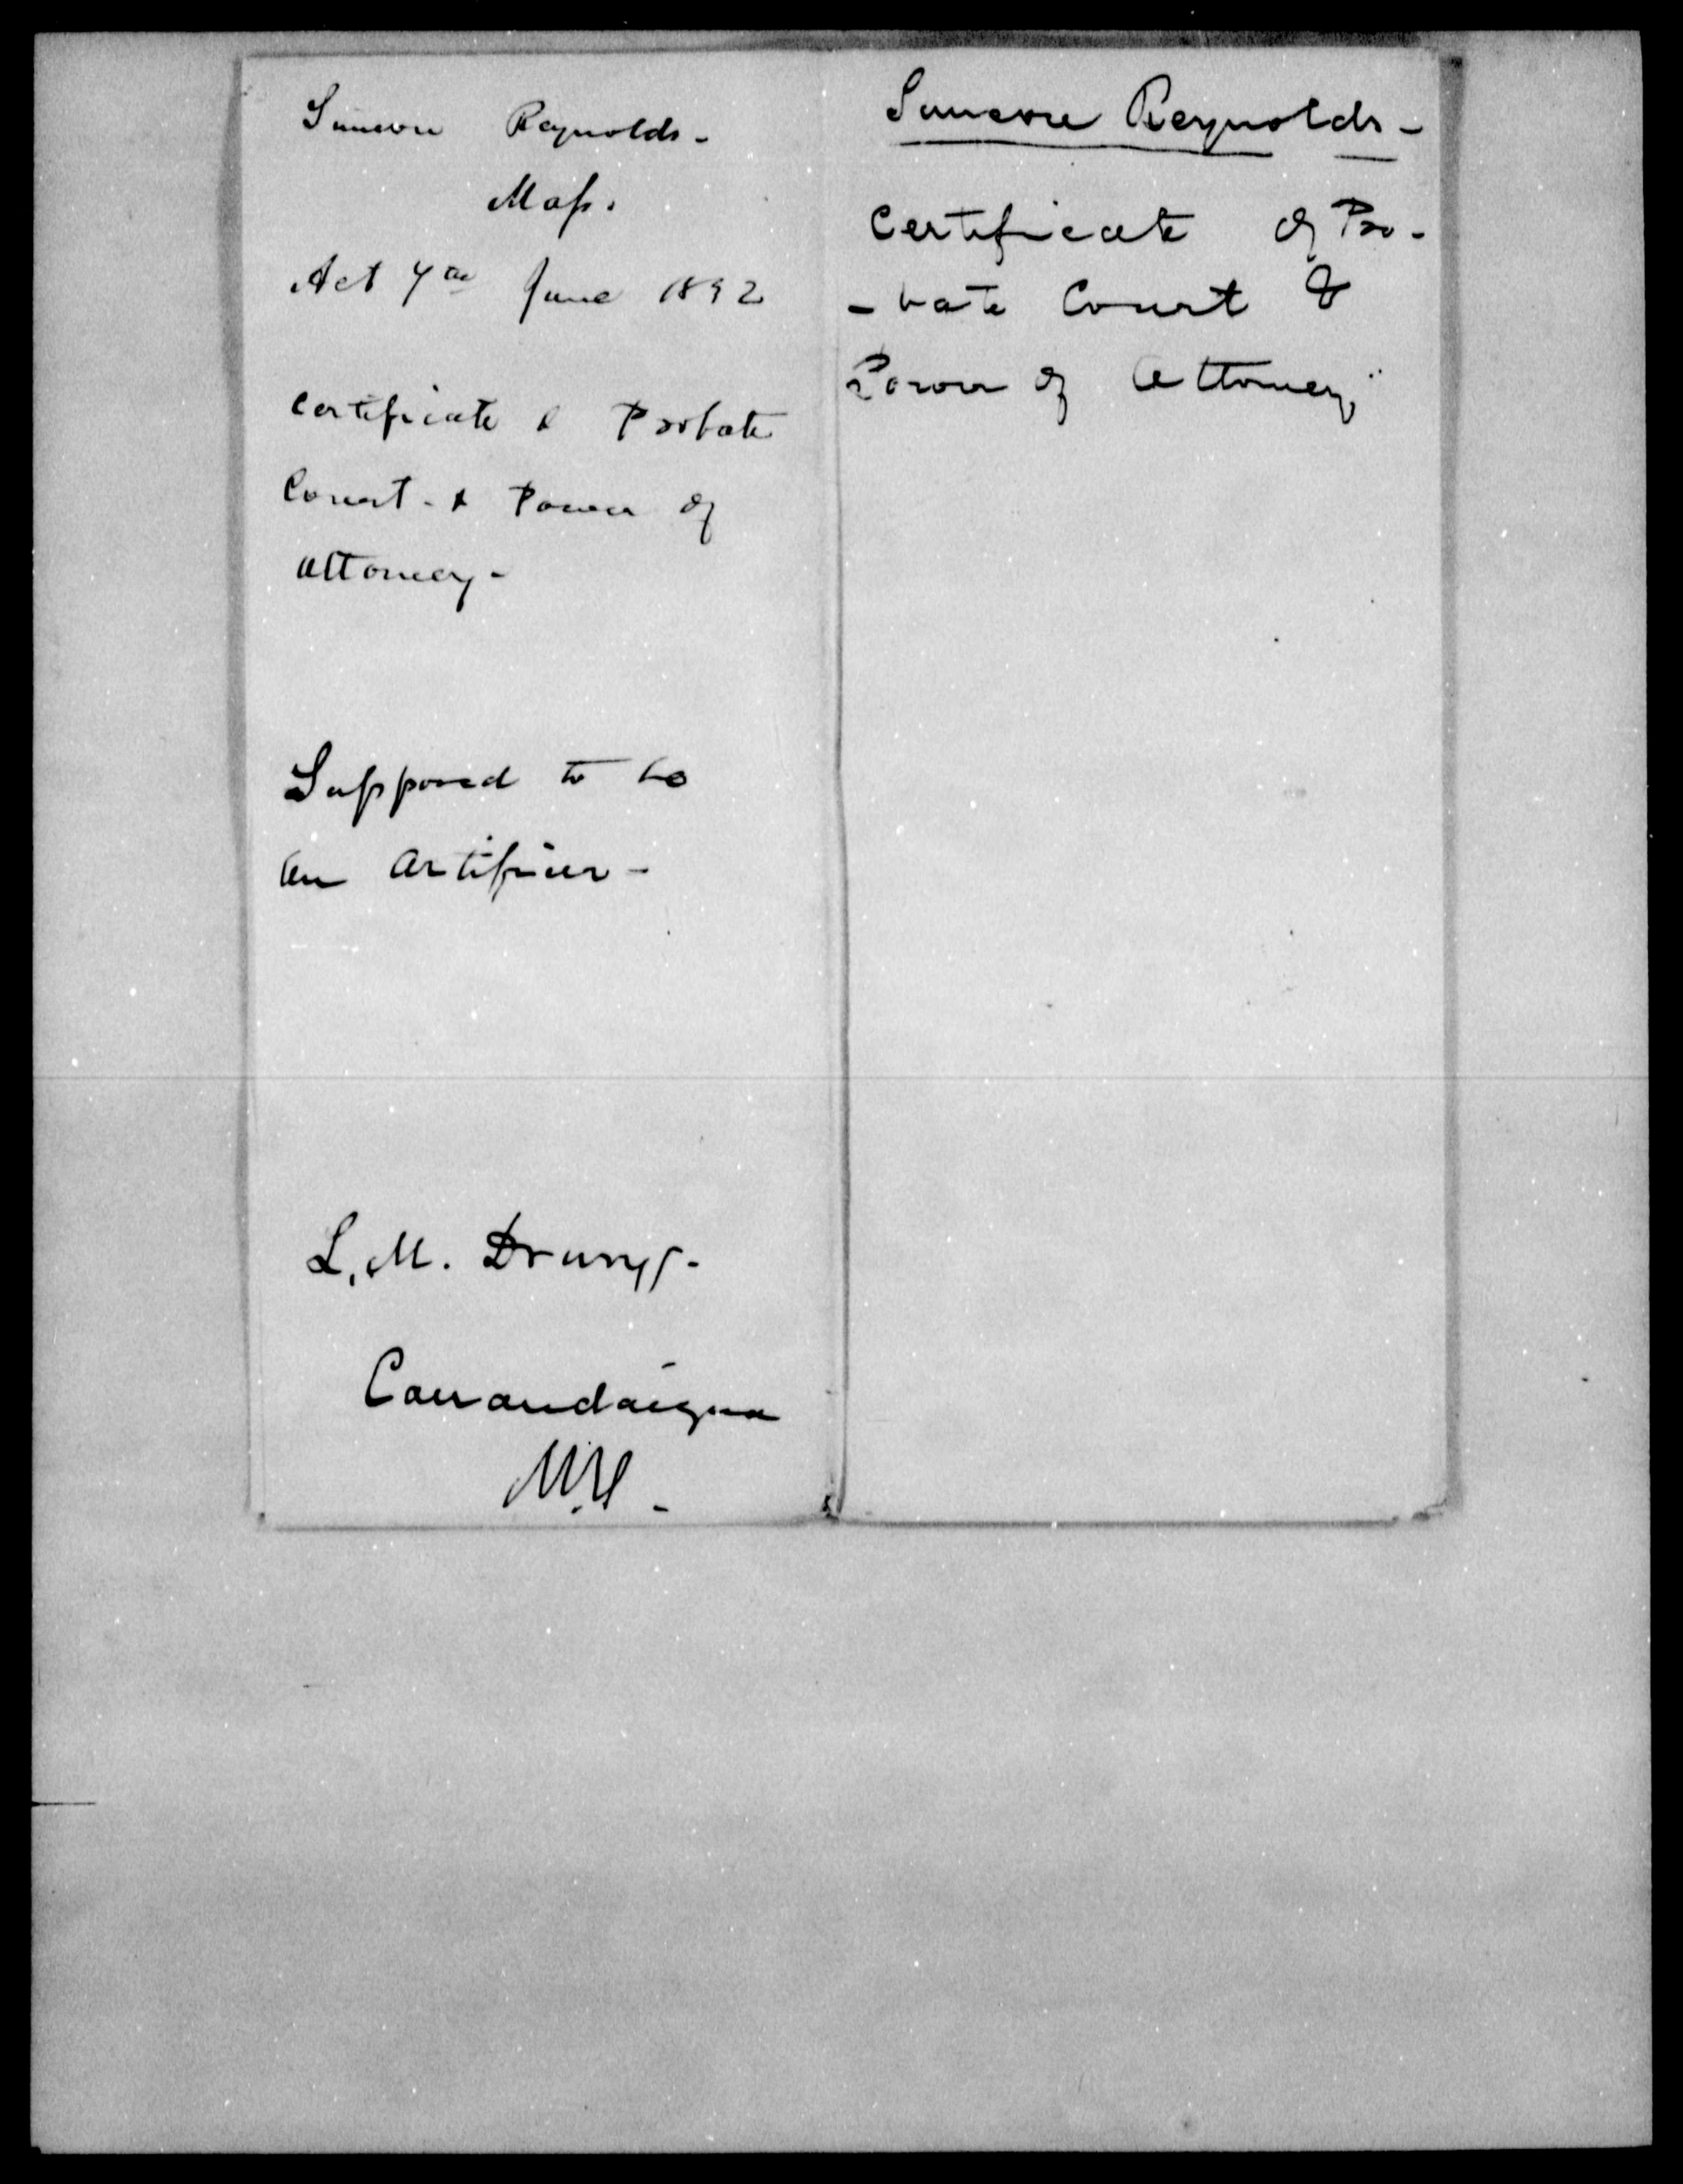Simeon Reynolds
Mass.
Act 7th June 1832
Certificate of Probate Court & Power of Attorney
Supposed to be an artificer
LM Drury
Canandaigua
NY


Simeon Reynolds
certificate of Probate Court & Power of Attorney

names: Simeon Reynolds; Simeon Reynolds; L M Drury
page: 17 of 20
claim: survivor's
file: S. 41,094, for Simeon Reynolds, Connecticut